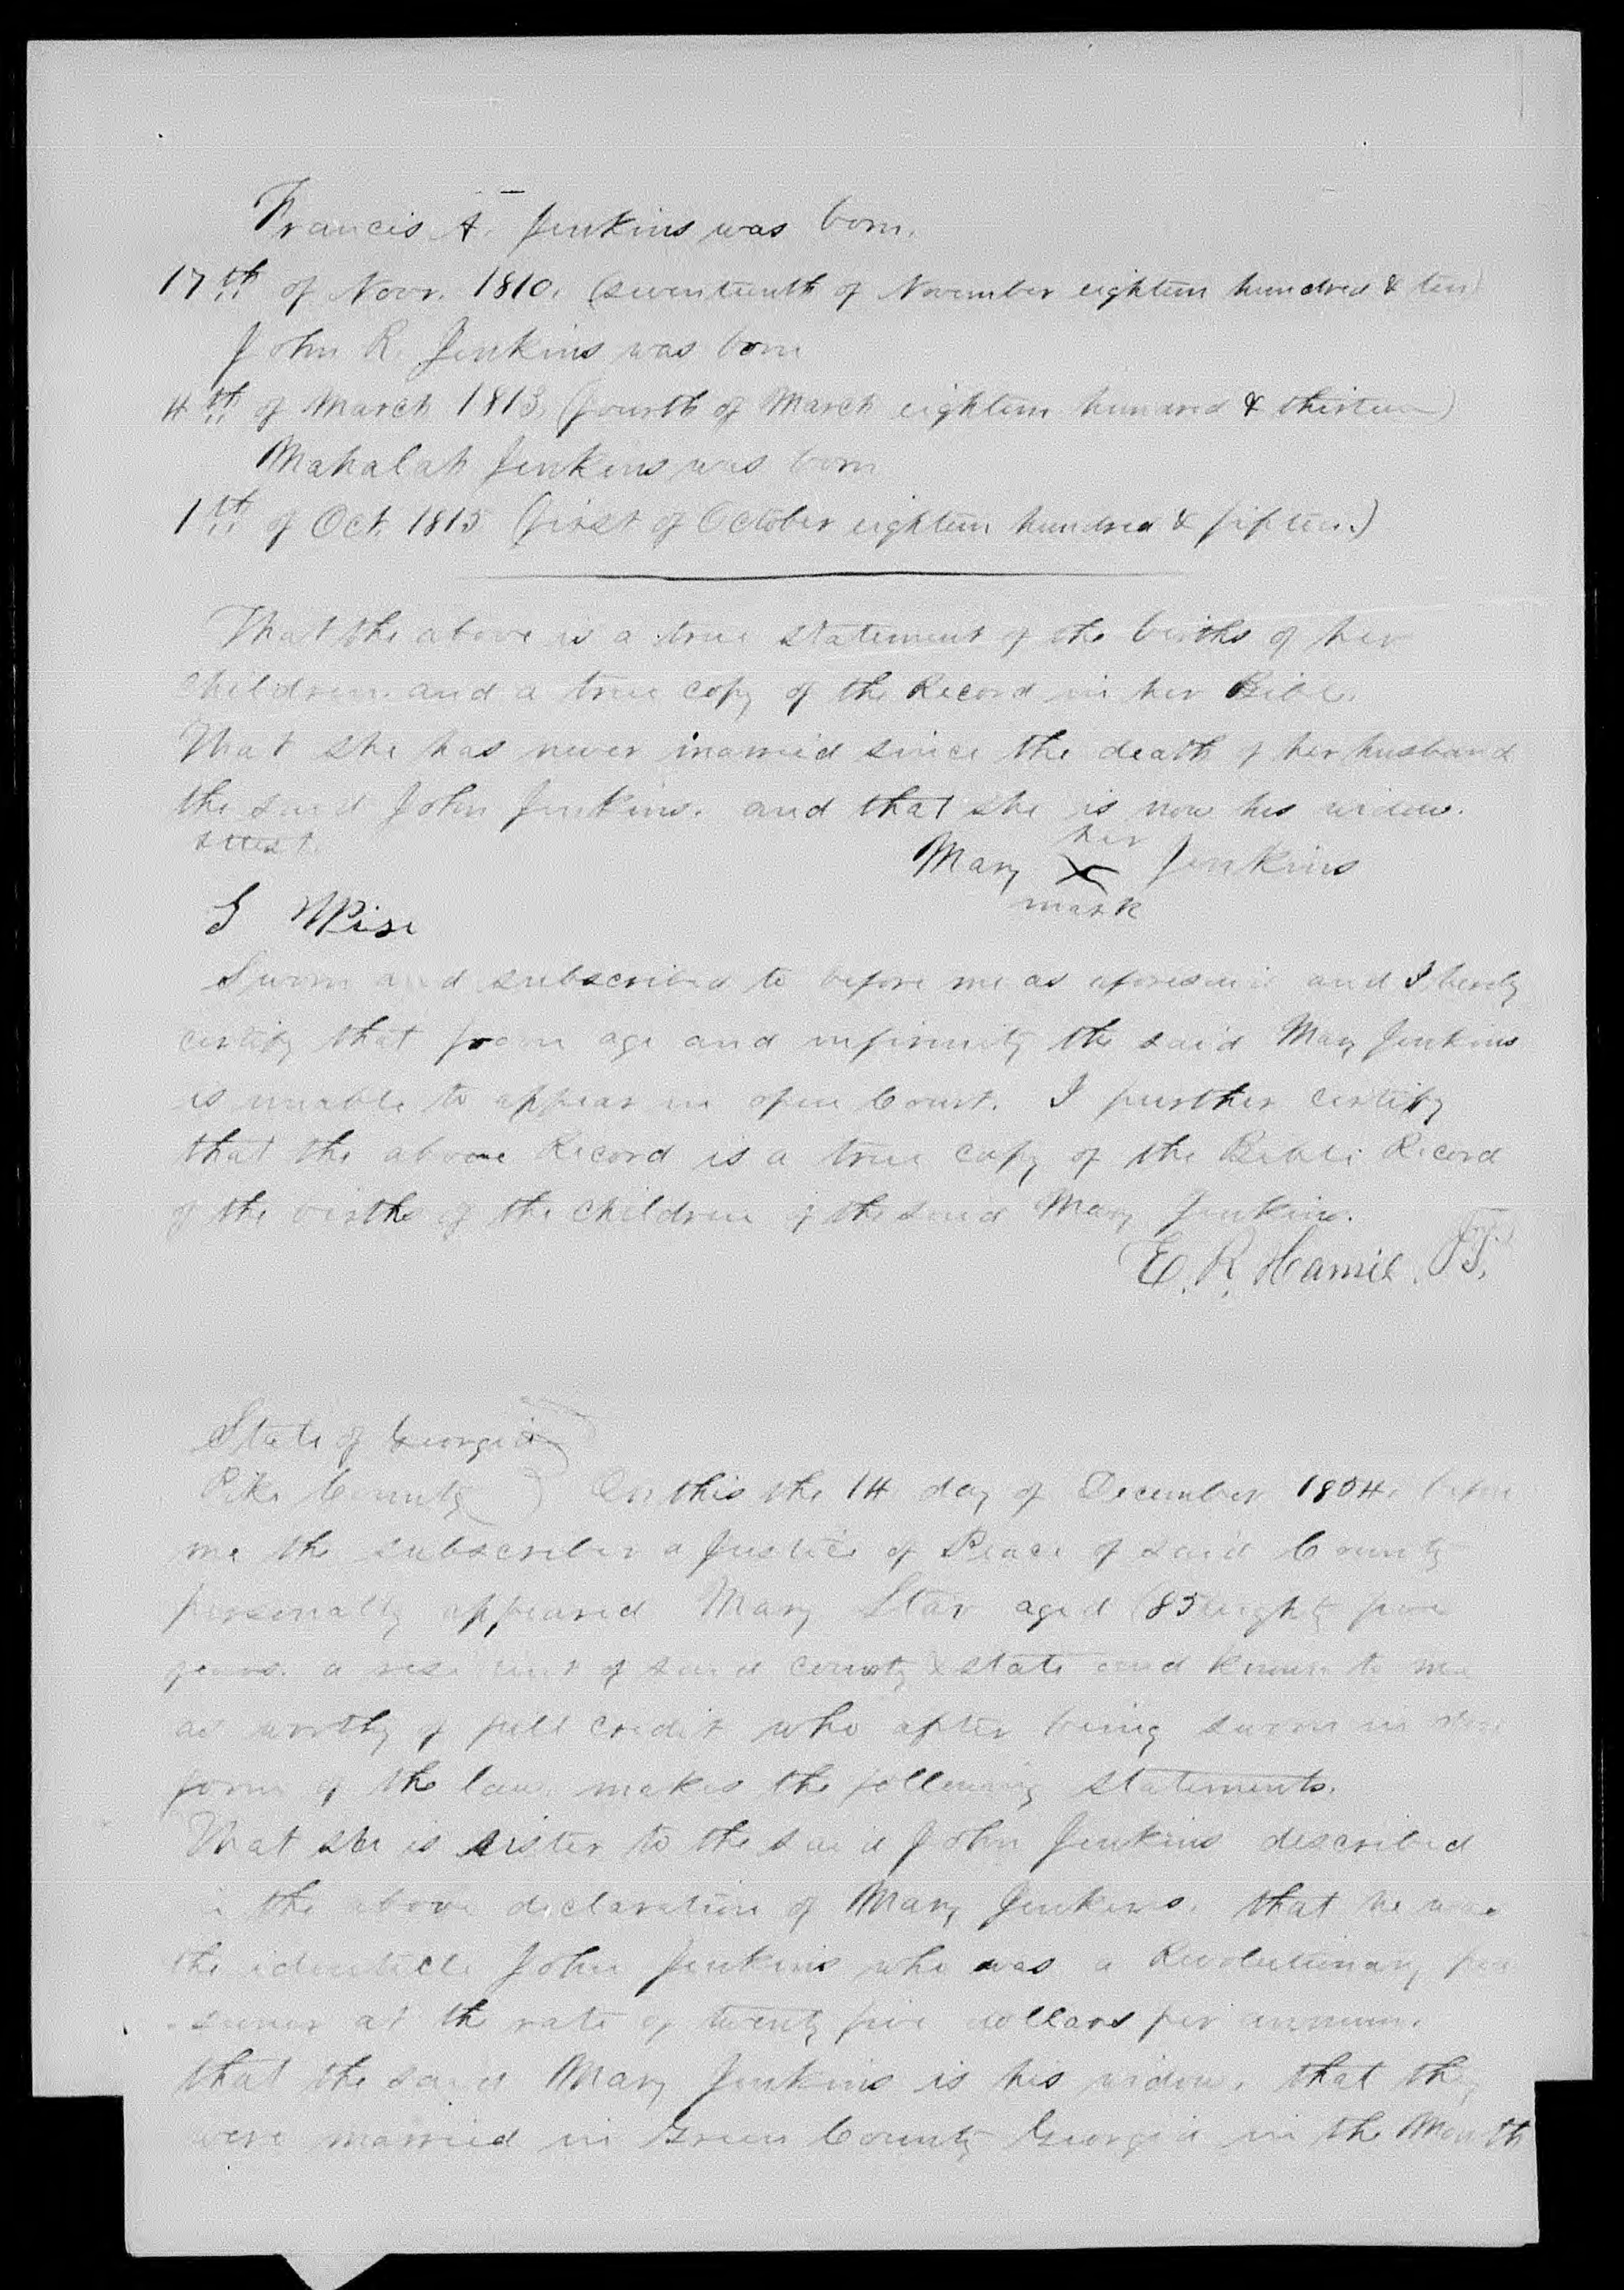Francis A. Jenkins was born 17th of Novr. 1810, (seventeenth of November eighteen hundred & ten) John R Jenkins was born 4th of March 1813, (fourth of March eighteen hundred & thirteen) Mahalah Jenkins was born 1st of Oct. 1815 (first of October eighteen hundred & fifteen) That the above is a true statement of the births of her children and a true copy of the Record in her Bible. That she has never married since the death of her husband the said John Jenkins, and that she is now his widow. Mary Jenkins X her mark
attest G Wise
Sworn and subscribed to before me as aforesaid and I hereby certify that from age and infirmity the said Mary Jenkins is unable to appear in open Court. I further certify that the above Record is a true copy of the Bible Record of the births of the children of the said Mary Jenkins
E. R. Hamil J.P.
State of Georgia Pike County
On this the 14 day of December 1804, before me the subscriber a Justice of Peace of said County personally appeared Mary Star aged (85 Eighty five years a resident of said County & State and know to me as worthy of full credit who after being sworn in due form of the law, makes the following statements, That she is sister to the said John Jenkins described in the above declaration of Mary Jenkins, that he the identicle [identical] John Jenkins who was a Revolutionary ever at the rate of twenty five dollars per annum that the said Mary Jenkins is his widow, that they married in Green County Georgia in the month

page: 12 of 55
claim: widow's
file: W. 7894, for John Jenkins, Virginia